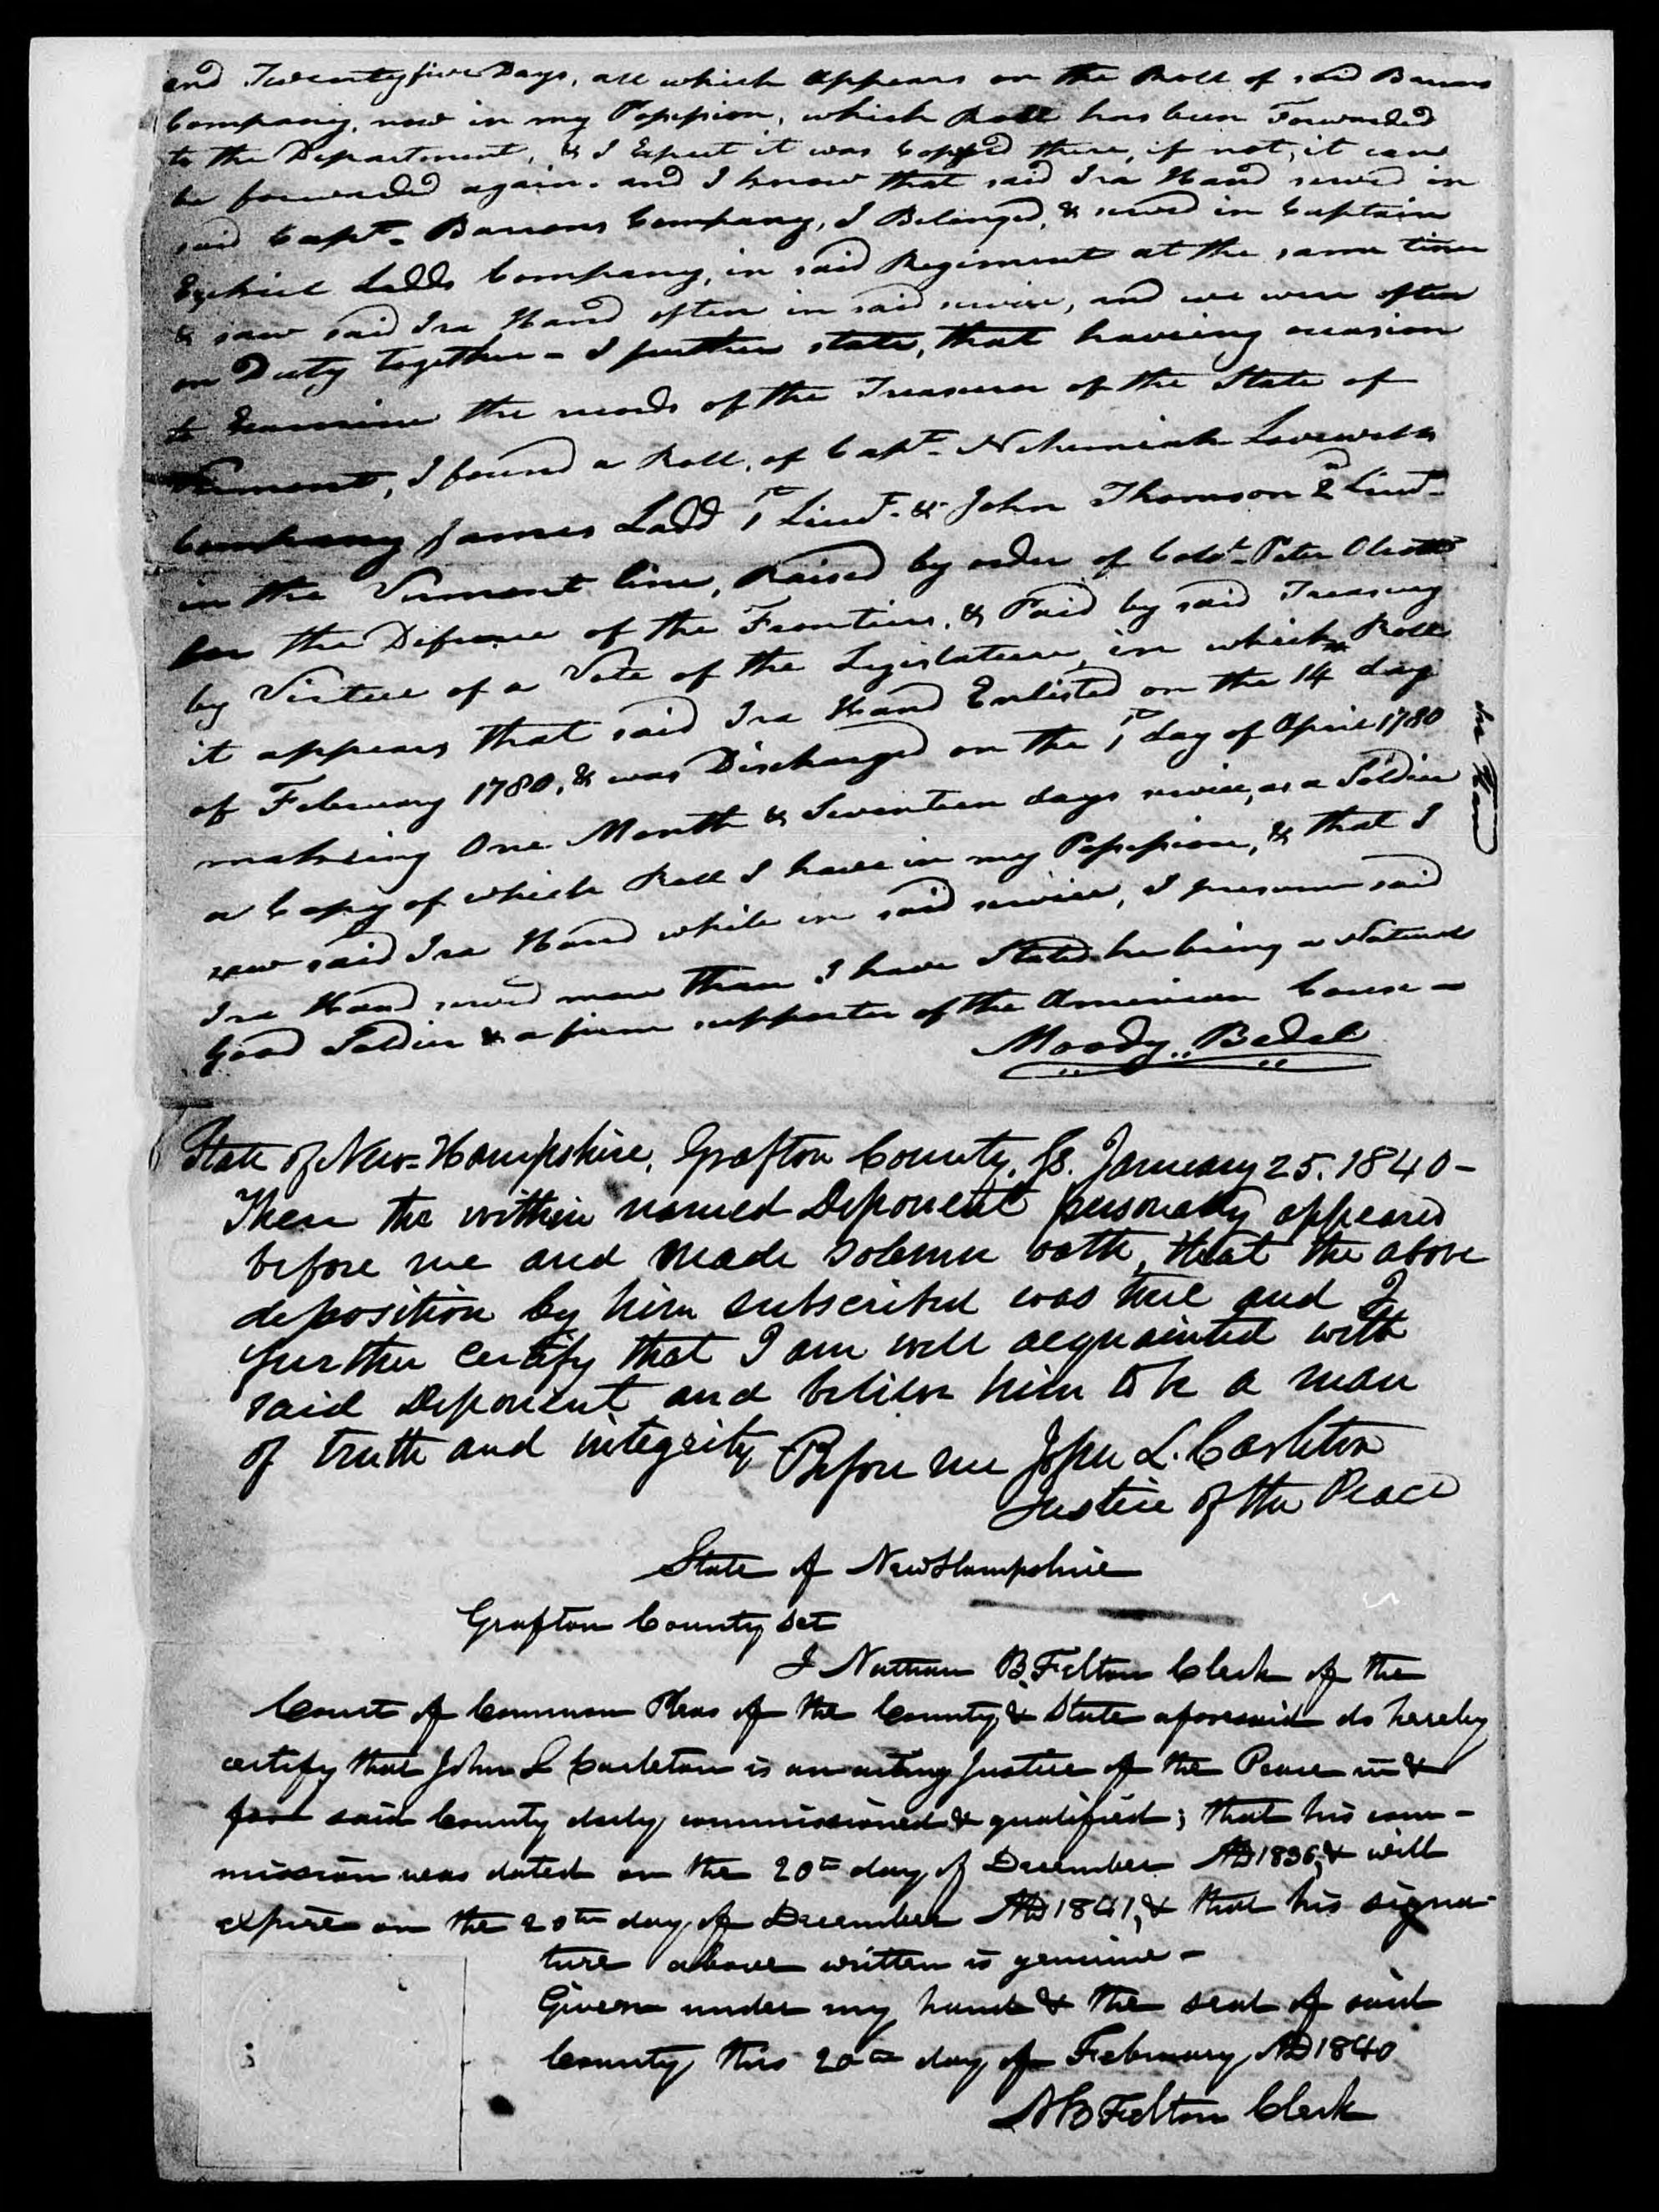Twenty-five days, all which appears on the sale of said Barns
Company now in my possession, which doll has been forwarded
the Department, & I expect it was copied there, if not, it can
formed again, and I know that said Ira and served in
and Capt. Barron Company I belonged, & served in Captain
whichells Company, in said Regiment at the same time
saw said Inn and after in said service, and we were often
in Duty together. I further state that having occasion
nine the records of the Treasurer of the State of
ment, I found a bill of Capt. Nehemiah Lovewell
James Lad it & John Thomson in the
Vermont line, chased by order of Col Peter Clerk
for the Defense of the Frontier & paid by said Pressing
by virtue of a
vote of the Legislation, in which Roll
it appears that said Ira and Enlisted on the 14 day
of February 1780, was discharged on the 11 day of April 1780
making one month of Seventeen days service as a soldier
of which had been my pension, & that
said in and while in said seven, I presume said
and see men then I have stated he being a stature
Good Soldier & a firm supporter of the Aminion
house-
Moody Bedel
to
late of New Hampshire Grafton County, ss. January 25, 1840-
There the within named Deponent
before me and made solemn
personally appeared
deposition by him subscribed was true and
further certify that I am well acquainted with
said Deponent and believe him to be a man
of truth and integrity Before me John L. Carleton
Justice of the Peace
State of New Hampshire
Grafton County Set
I Nathan B. Felton Clerk of the
Court of Common Pleas of the County & State aforesaid do hereby
certify that John L Carleton is an acting Justice of the Peace in &
for said County duly commissioned & qualified; that his
mission was dated on the 20th day of December 1836, will
expire on the 20th day of December 1847, & that his sign
ture above written is genuine-
Given under my hand & the seal of said
County this 20 day of February AD 1840
th Felton Clerk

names: Ira Hand, Moody Bedel, Nathan B Felton, Peter Olcott, James Ladd, John L Carleton, Ira Hand, John L Carleton, N B Felton, Ira Hand, Ira Hand, John Thomson, Ira Hand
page: 34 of 42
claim: widow's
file: W. 19,722, Ira Hand, N.H. Vt.